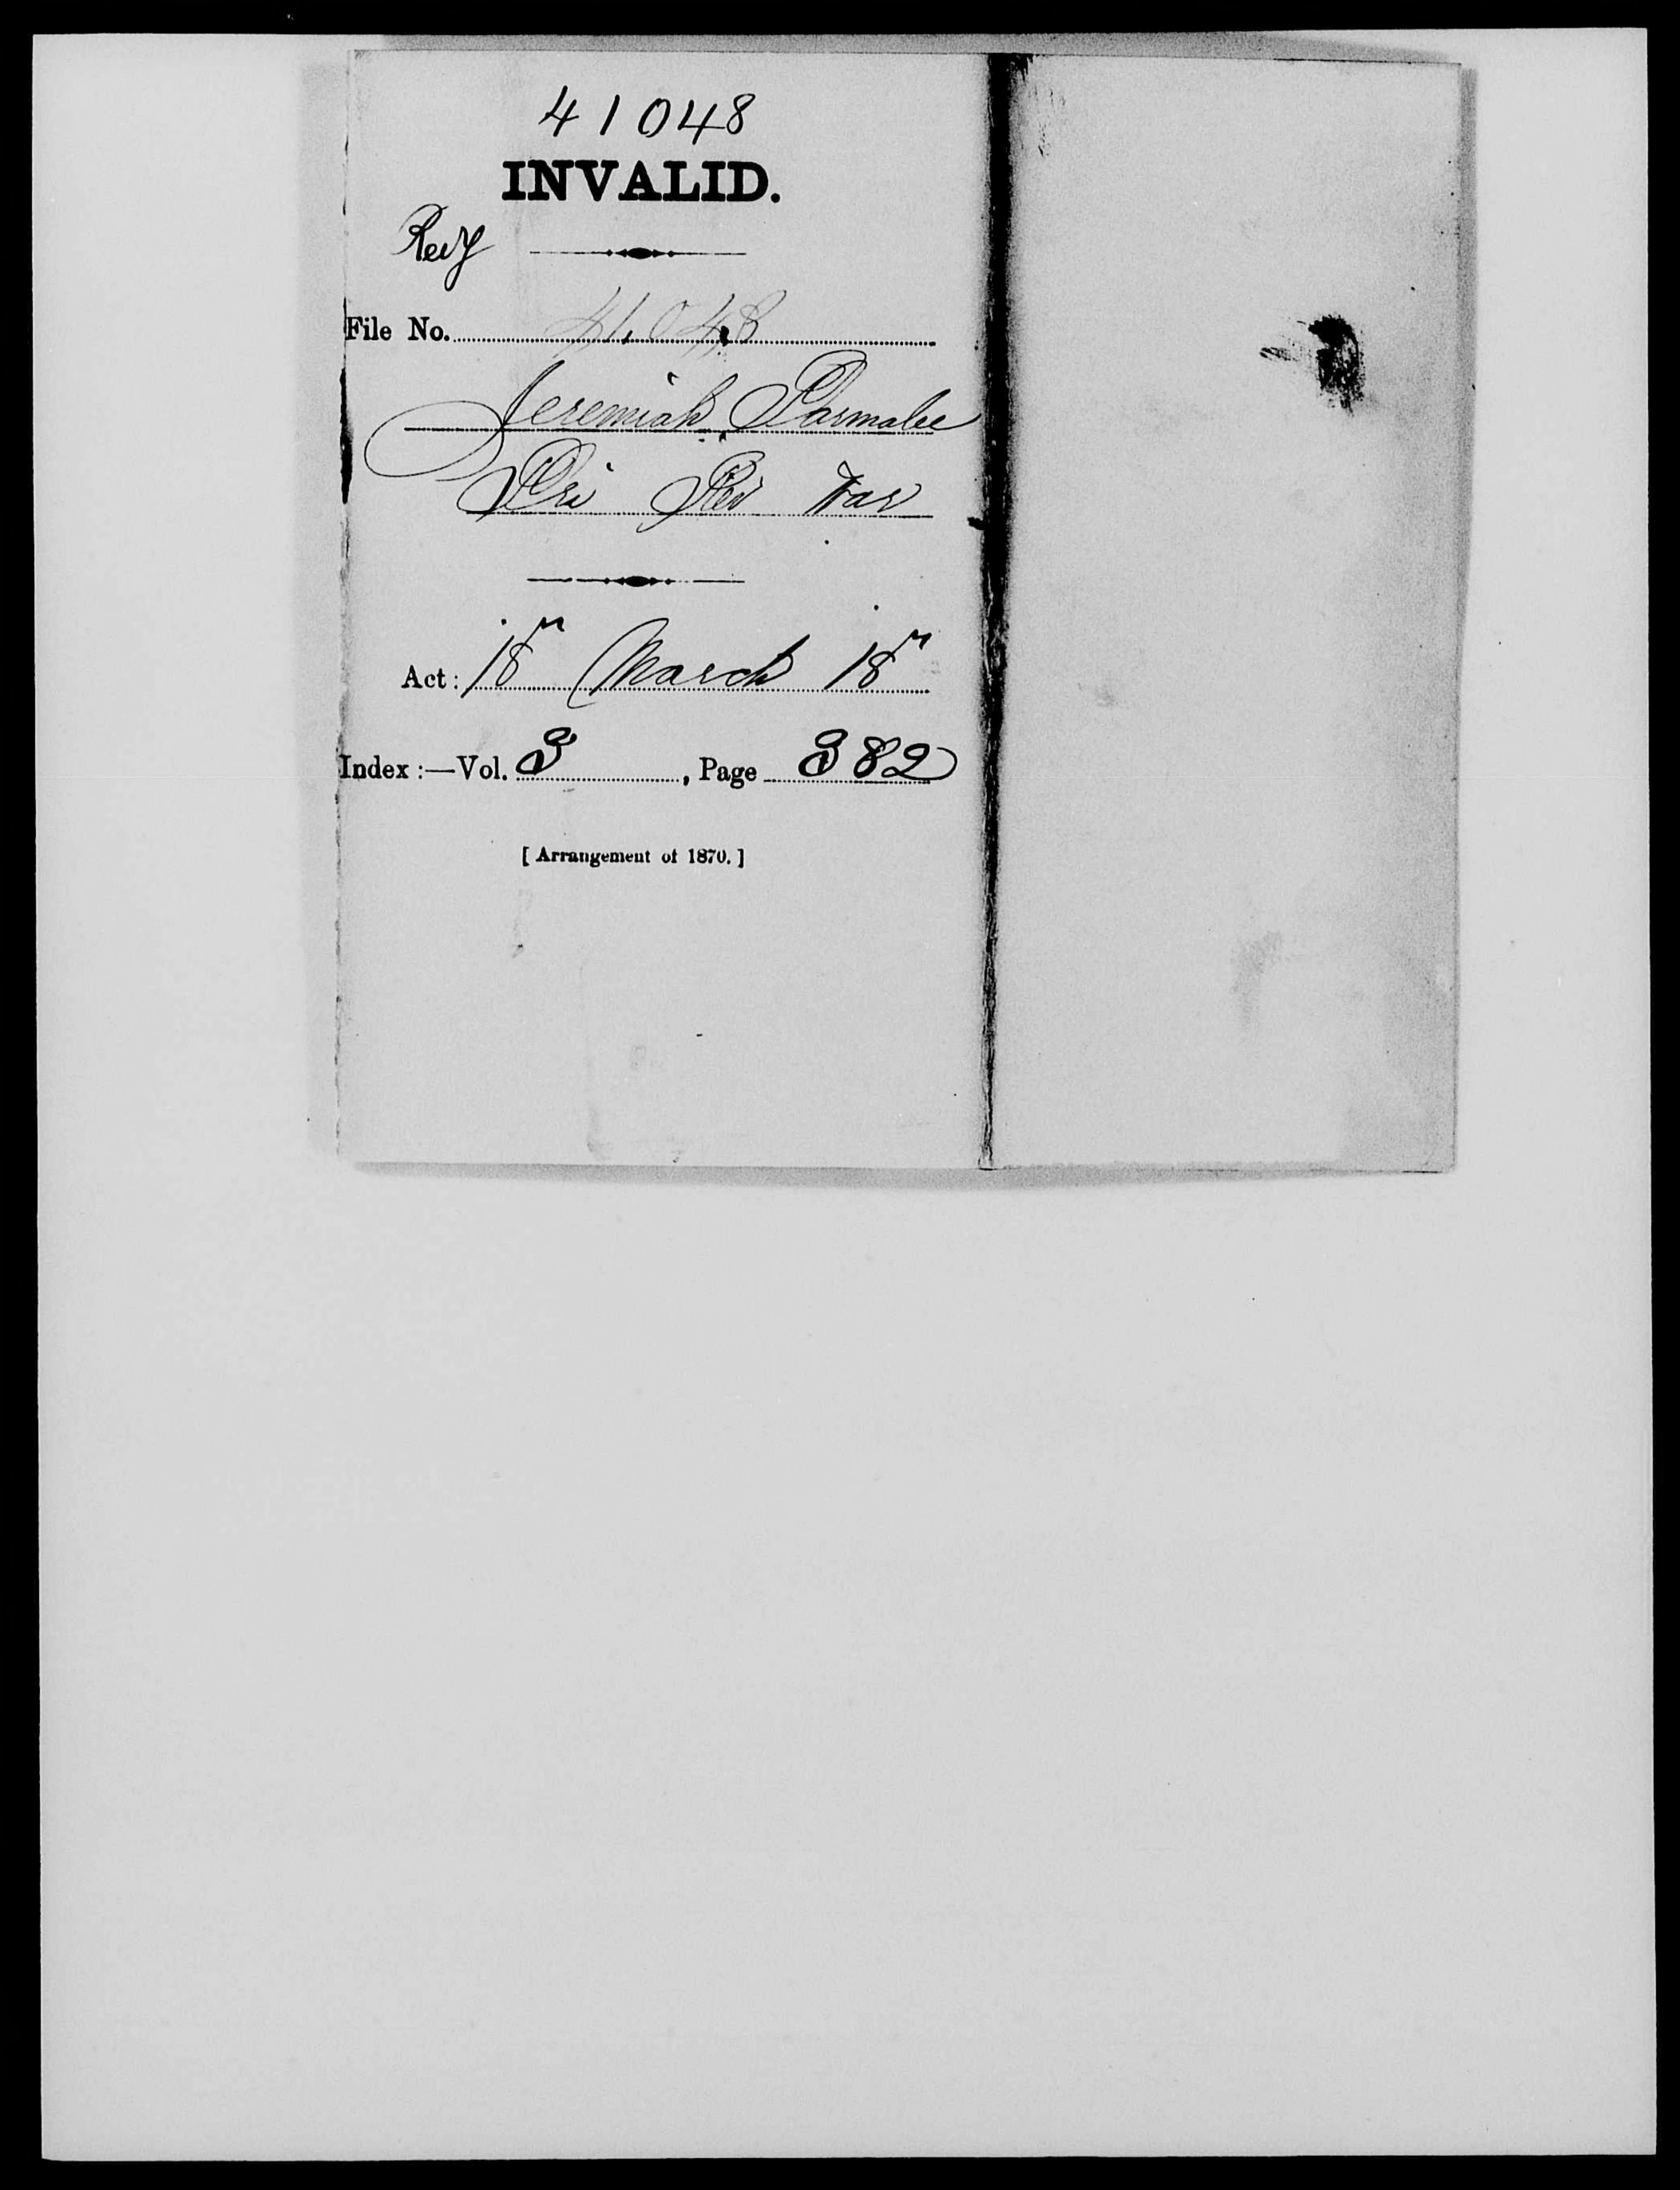41048
Invalid
Ref
File No.  41.048
Jeremiah Parmalee
[. ] Rev War
Act 18th March 18th
Index:-Vol. [ ],Page [  ]82
[Arrangement of 1870]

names: Jeremiah Parmalee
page: 3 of 11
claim: survivor's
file: S. 41,048, for Jeremiah Parmalee, Connecticut